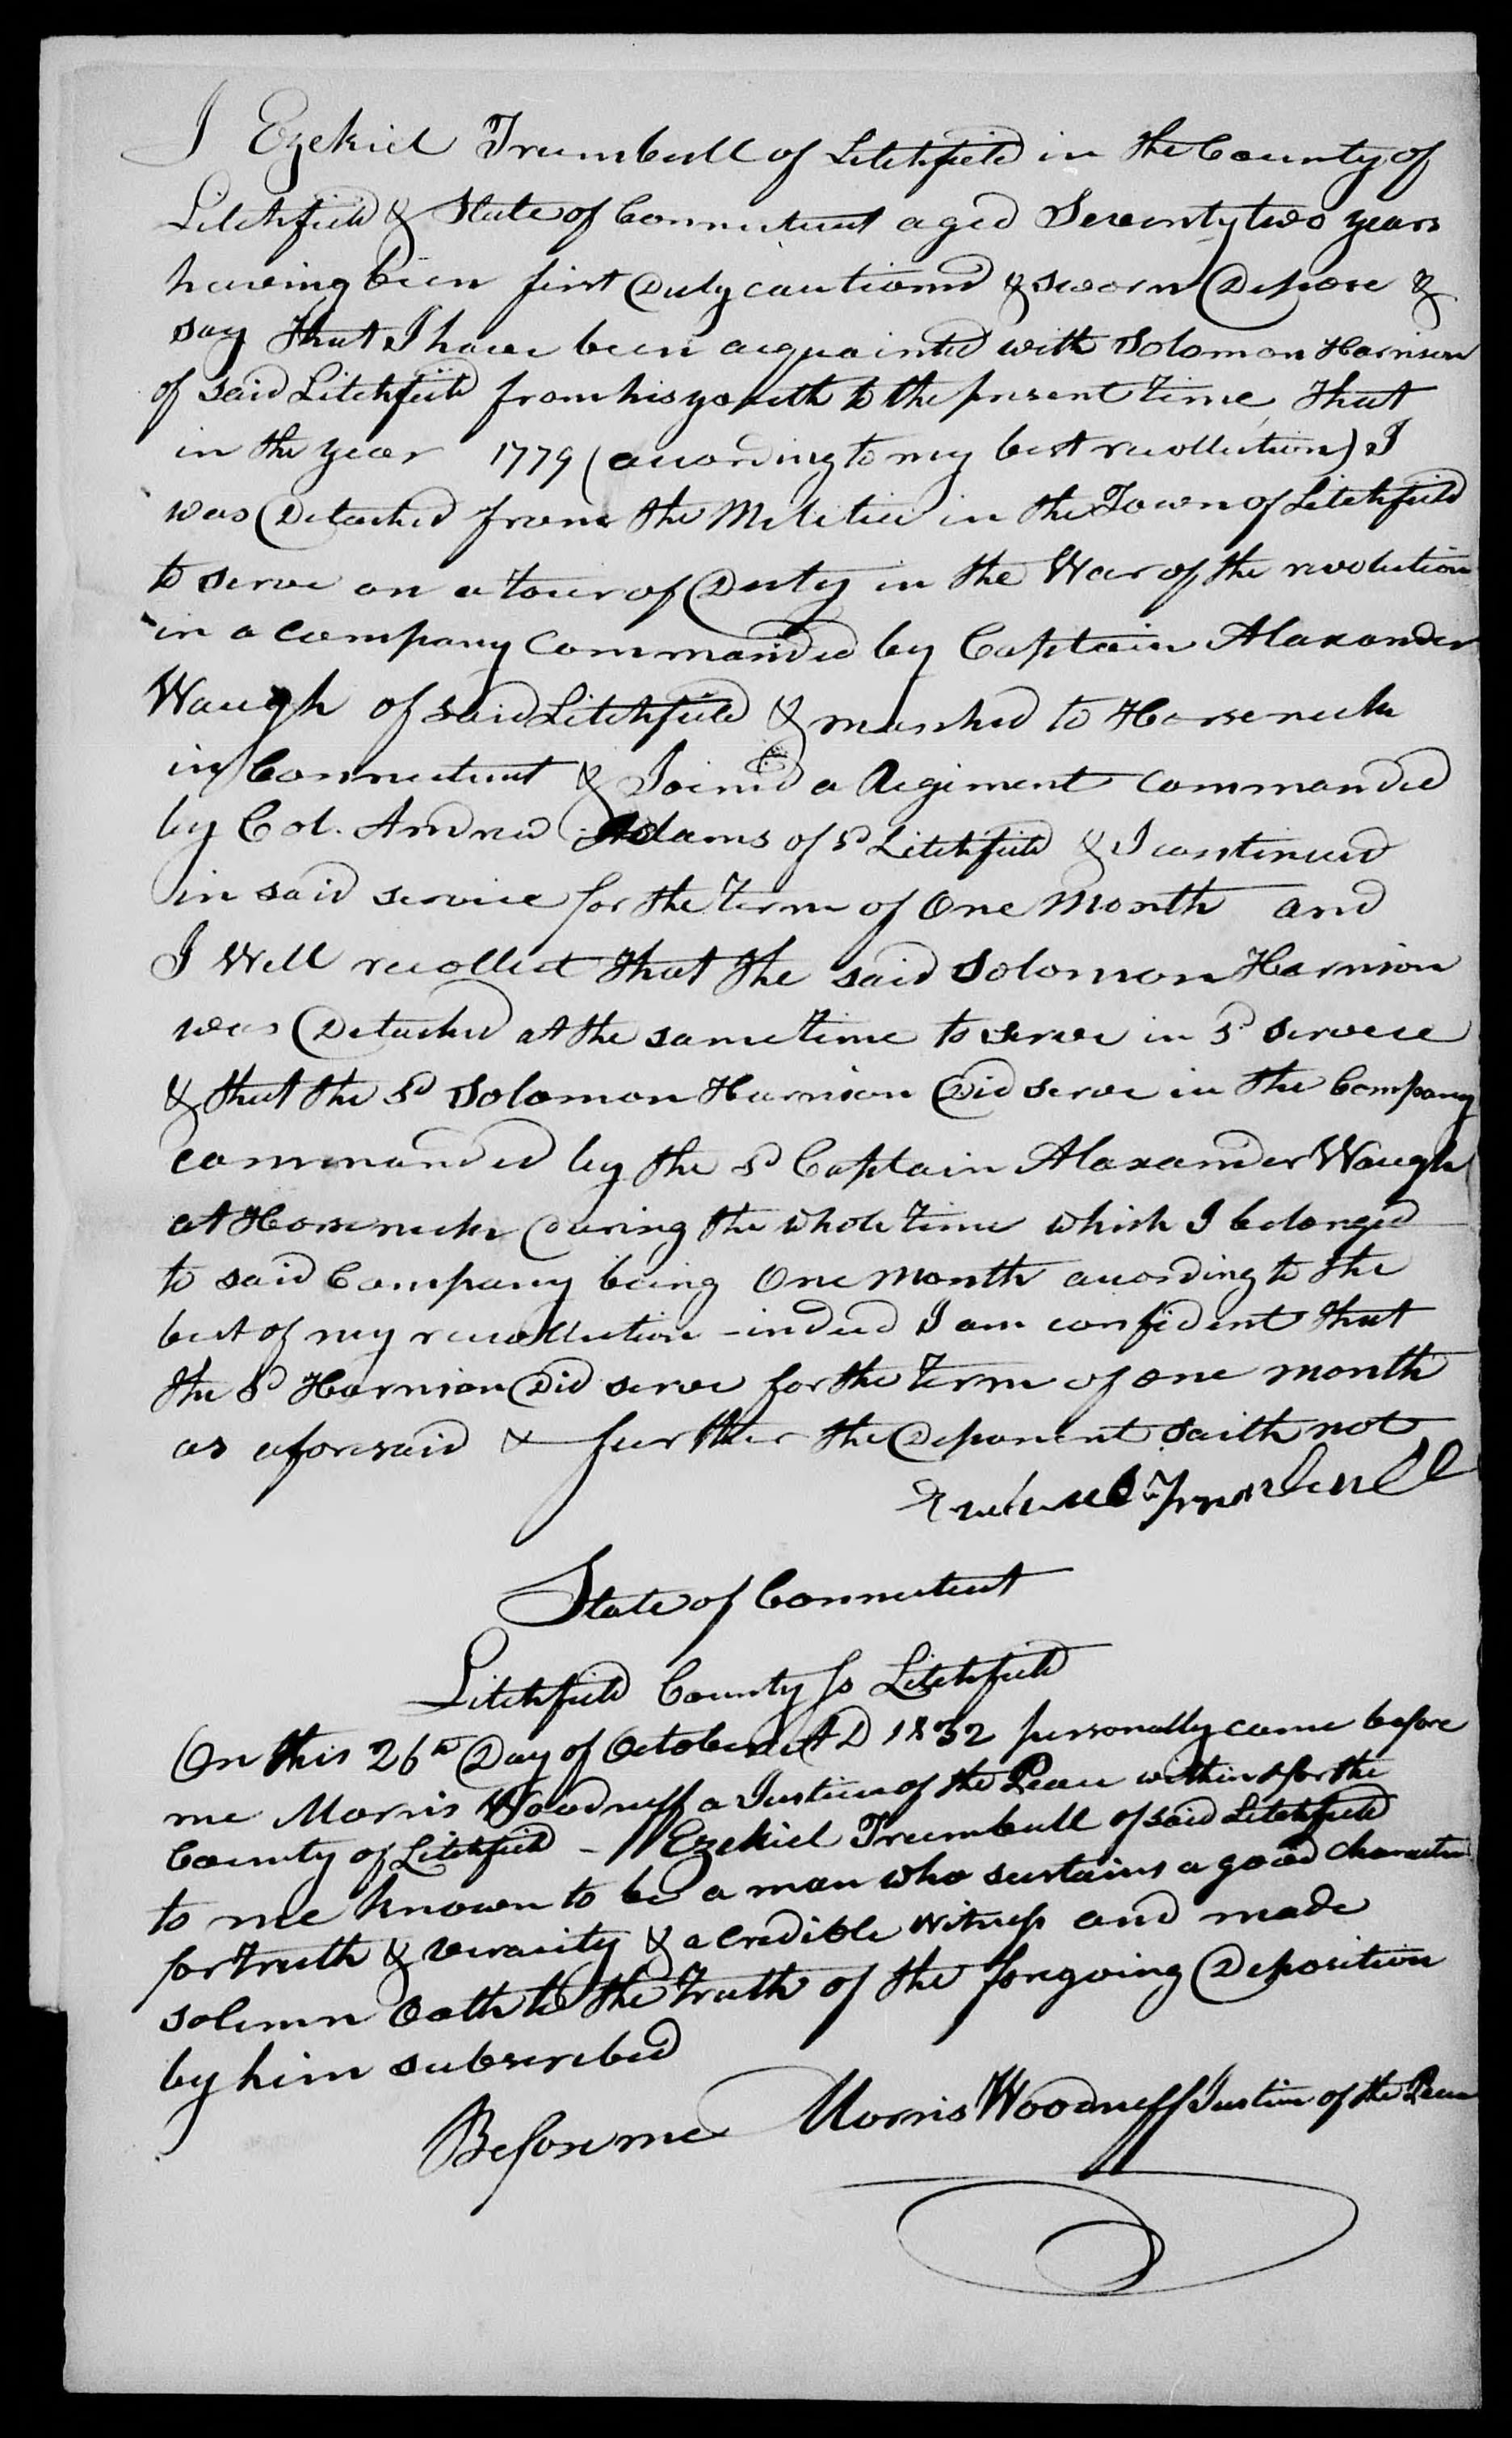I Ezekiel Trumbull of Litchfield in the County of Litchfield & State of Connecticut aged Seventy two years having been first duly cautioned & sworn Depose say that I have been acquainted with Solomon Harrison of said Litchfield from his youth to the present time, that in the year 1779 (according to my best recollection) I was detached from the Militia in the Town of Litchfield to serve a tour of duty in the war of the revolution in a company commanded by Captain Alexander Waugh of said Litchfield & marched to Horse neck in Connecticut & Joined a Regiment commanded by Col. Andrew Adams of Litchfield & I continued in said service for the term of one month and I well recollect that the said Solomon Harrison was detached at the same time to serve in said service that the said Solomon Harrison did serve in the Company
commanded by the said  Alexander Waugh at Horse neck during the whole time which I belonged to said Company being one month according to the best of my recollection indeed I am confident that the said S Harrison did serve for the term of one month as aforesaid & further the deponent saith not

Ezekial Trumball

State of Connecticut
Litchfield County ss Litchfield
On this 26th day of October AD 1832 personally came before me Morris Woodruff a Justice of the Peace within and for of the County of Litchfield - Ezekiel Trumbull of said Litchfield to me known to be a man who sustains a good character for truth and veracity and a credible witness and made solemn oath to the truth of the foregoing Deposition by him subscribed 
Before me Morris Woodruff Justice of the Peace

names: Andrew Adams, Solomon Harrison, Morris Woodruff, Solomon Harrison, Morris Woodruff, Ezekiel Trumbull, Ezekiel Trumbull, Alaxander Waugh, Alaxander Waugh, Harrison, Ezekiel Trumbull, Solomon Harrison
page: 20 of 22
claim: survivor's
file: S. 16137, Solomon Harrison, Conn.